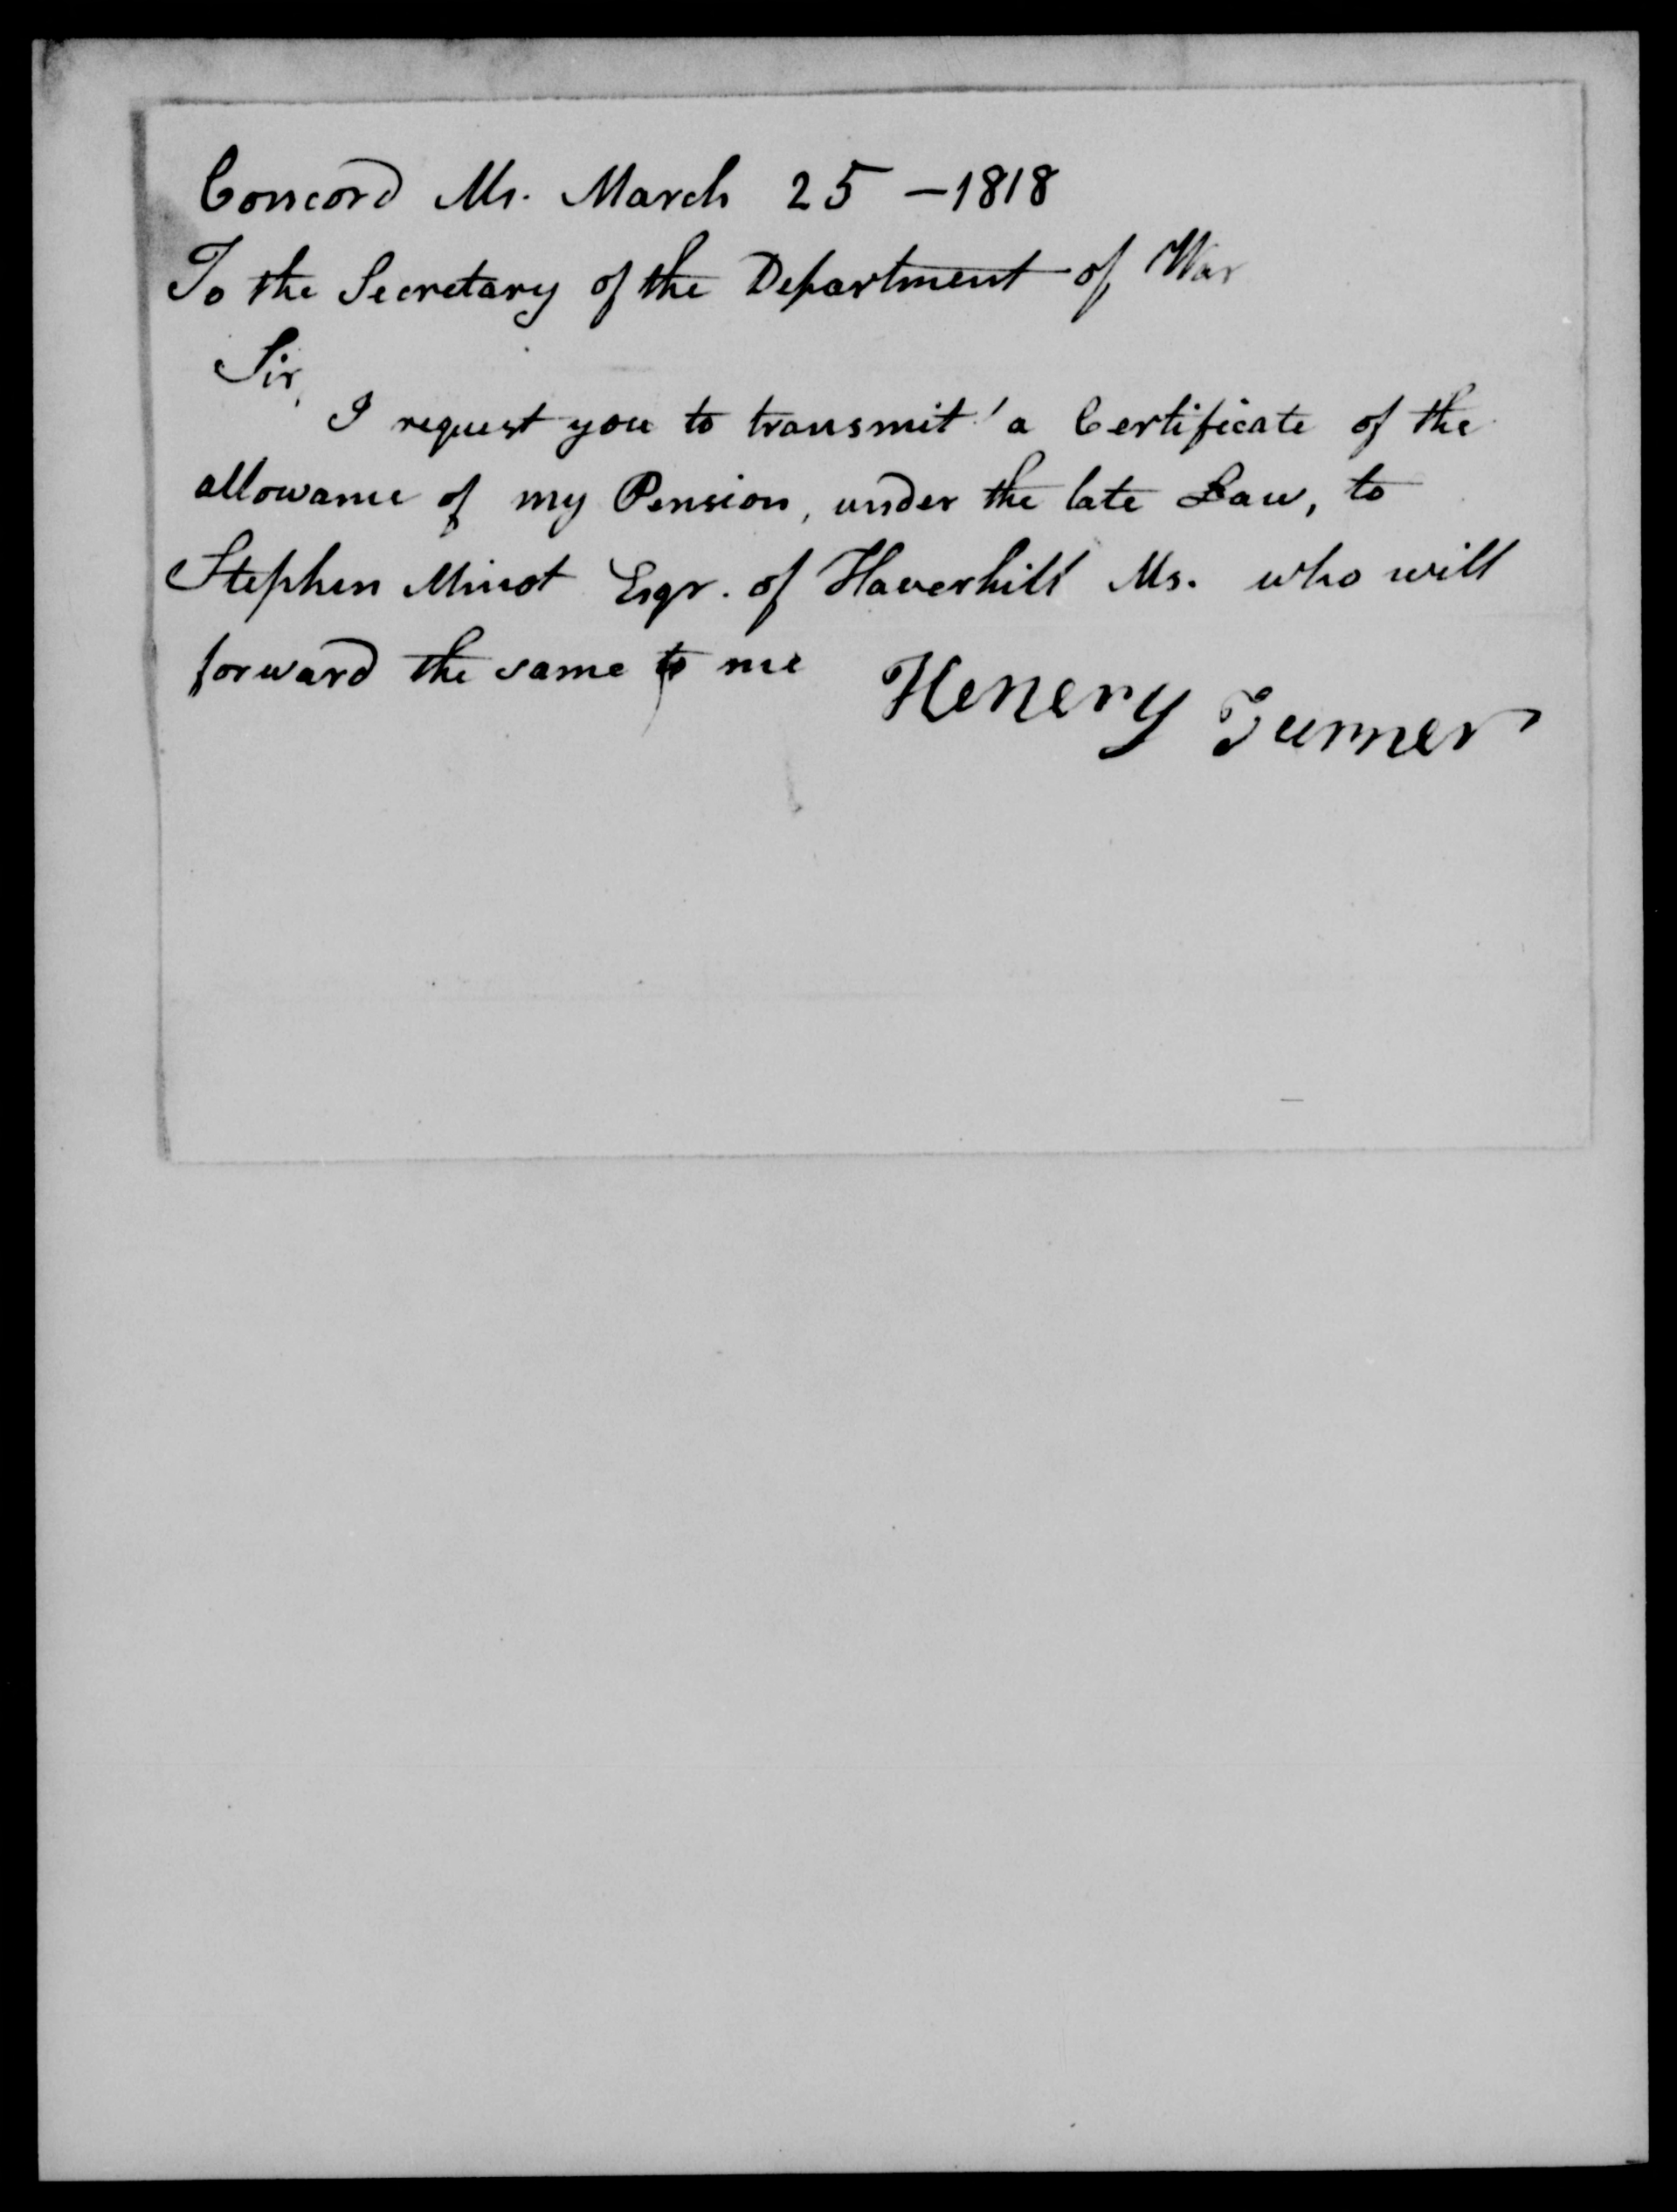Concord Ms.  March 25 - 1818
To the Secretary of the Department of War\\Sir,

I request you to transmit a Certificate of the allowance of my Pension, under the late Law, to Stephen Minot Esq. of Haverhill Ms. who will forward the same to me.

Henery Turner [signature]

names: Stephen Minot, Henery Turner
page: 9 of 11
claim: survivor's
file: S. 33842, Henry Turner, R.I.